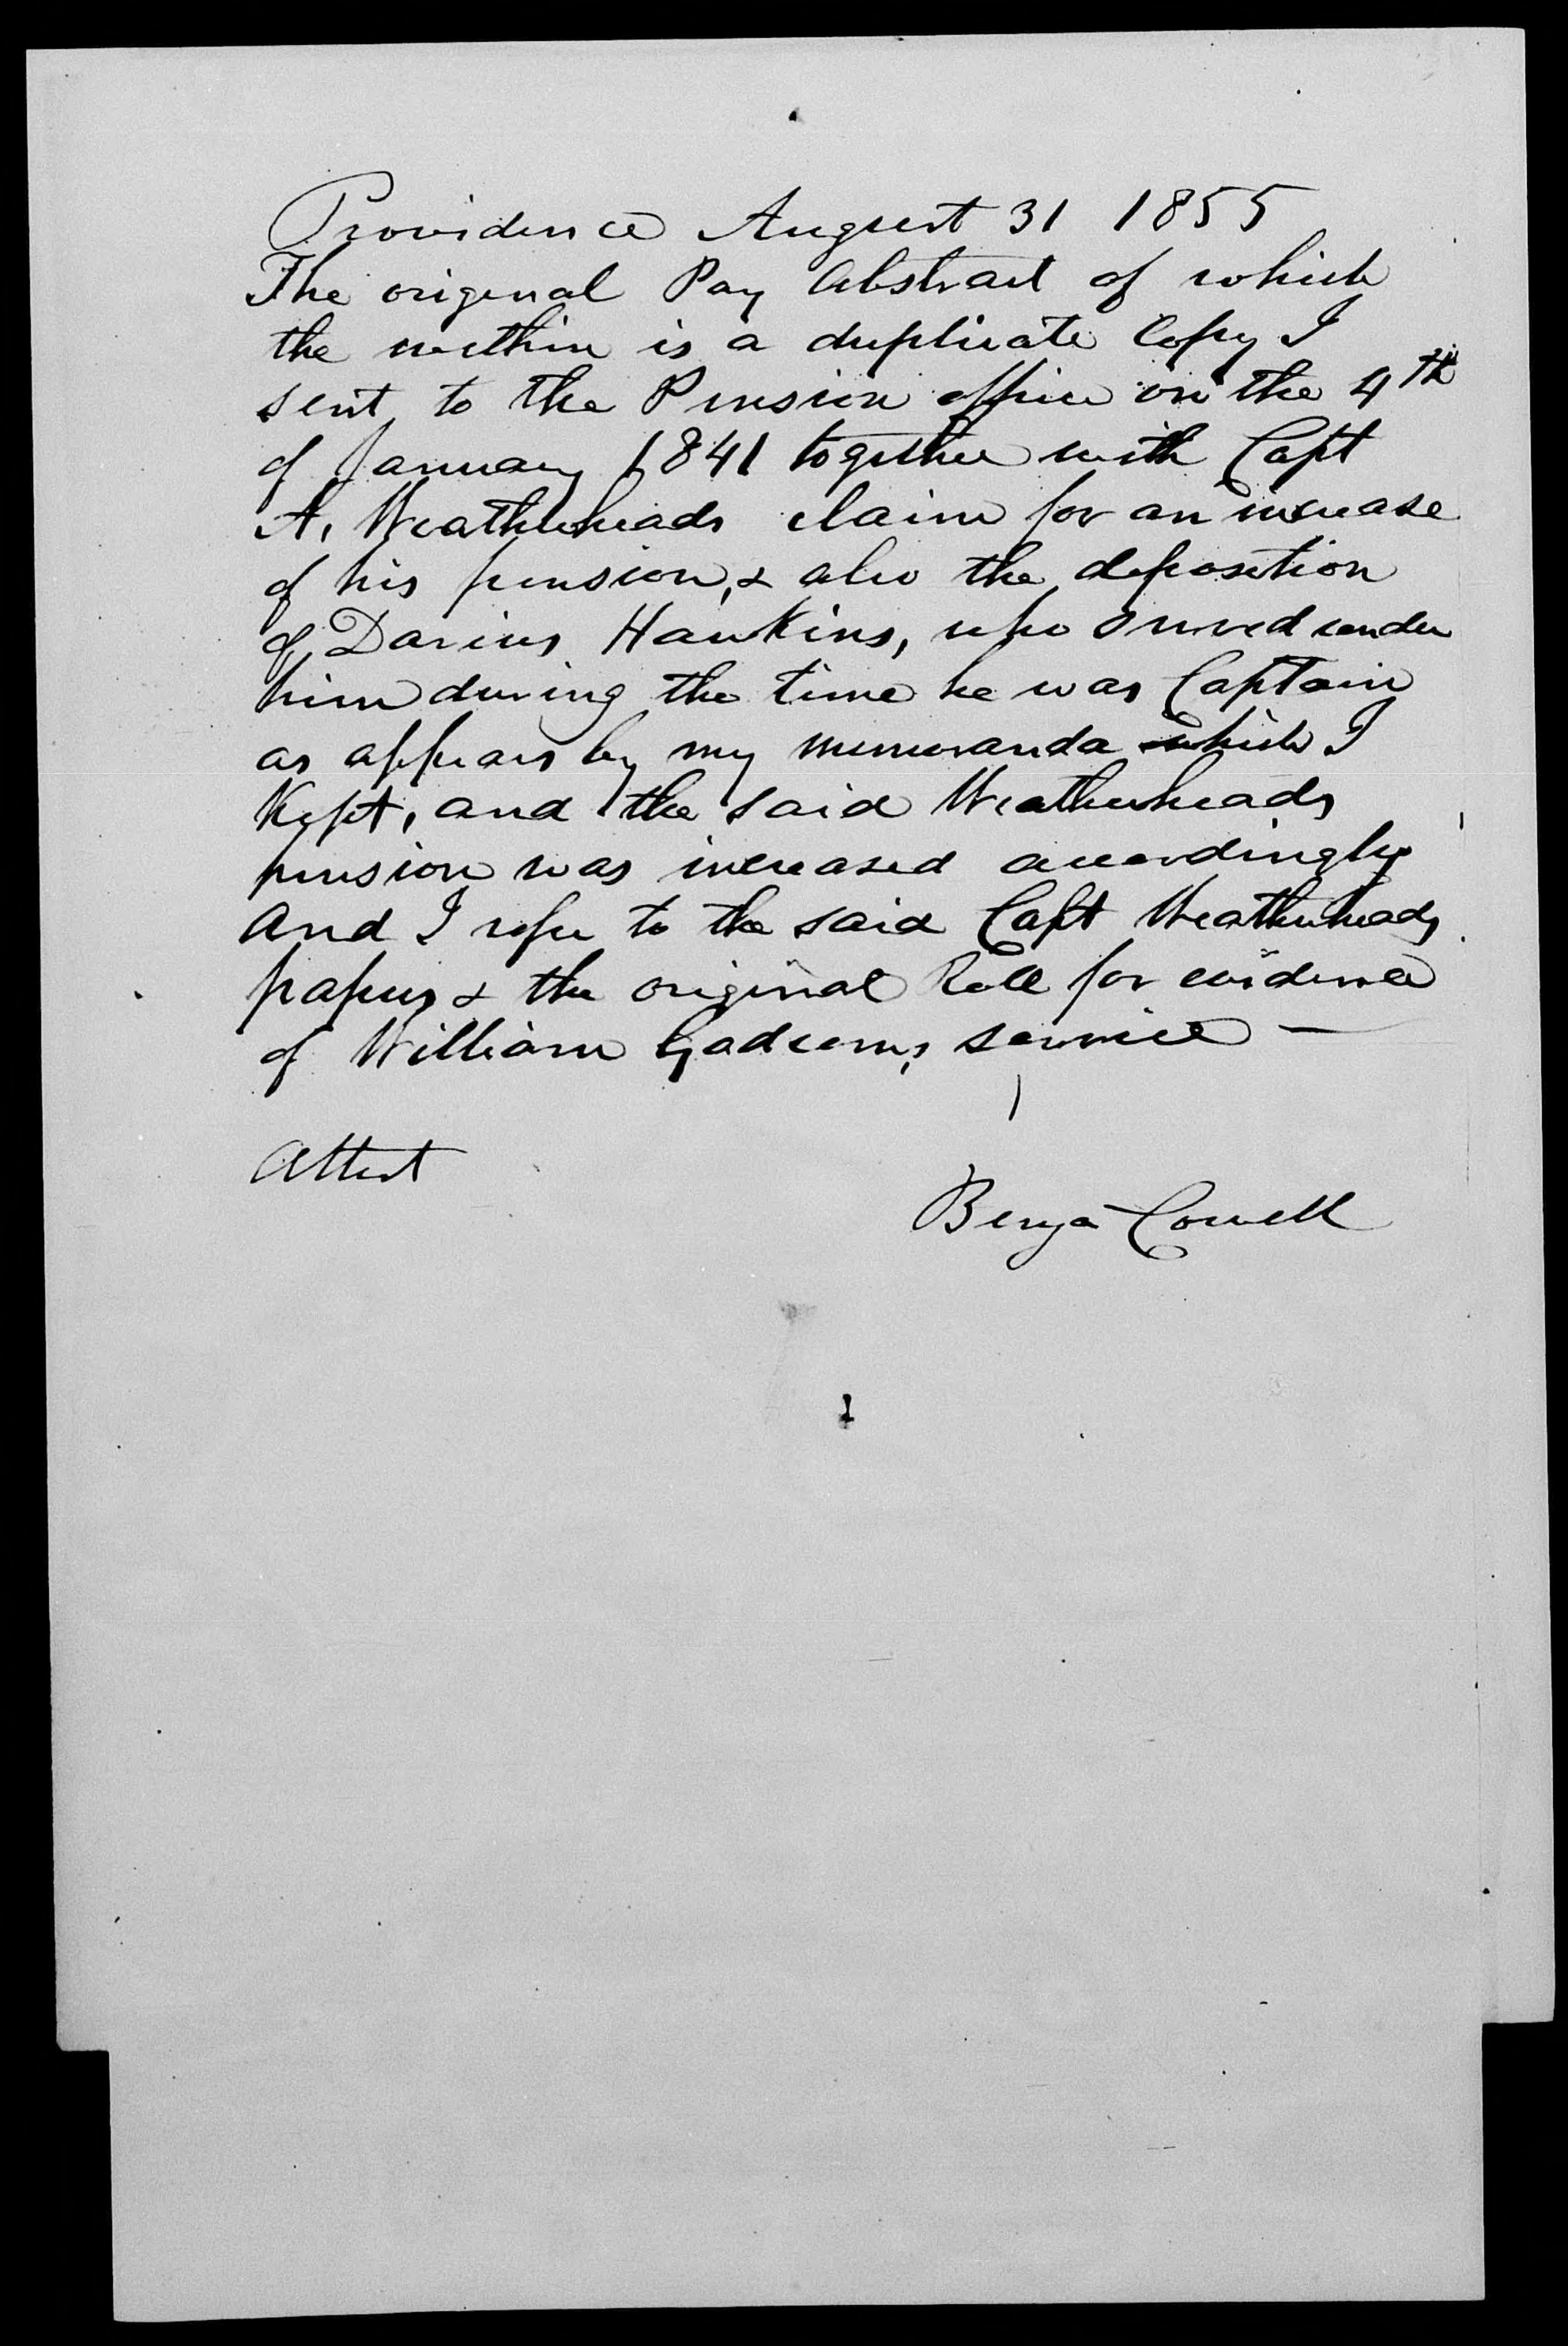Providence August 31, 1855

The original pay abstract of which the within is a duplicate copy I sent to the Pension office on the 4th of January, 1841, together with Capt. A. Weatherhead's claim for an increase of his pension, and also the deposition of Darius Hawkins, who served under him during the time he was Captain as appears by my memoranda which I kept, and the said Weatherhead's pension was increased accordingly and I refer to the said Capt. Weatherhead's papers and the orginial Roll for evidence of William Gadcomb's service.

Attest

Benja Cowell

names: Davius Hawkins, William Gadcom, Weatherhead, Weatherhead, A Weatherhead, Benja Cowell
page: 61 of 76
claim: widow's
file: W. 15,517, William Gadcomb, R.I.